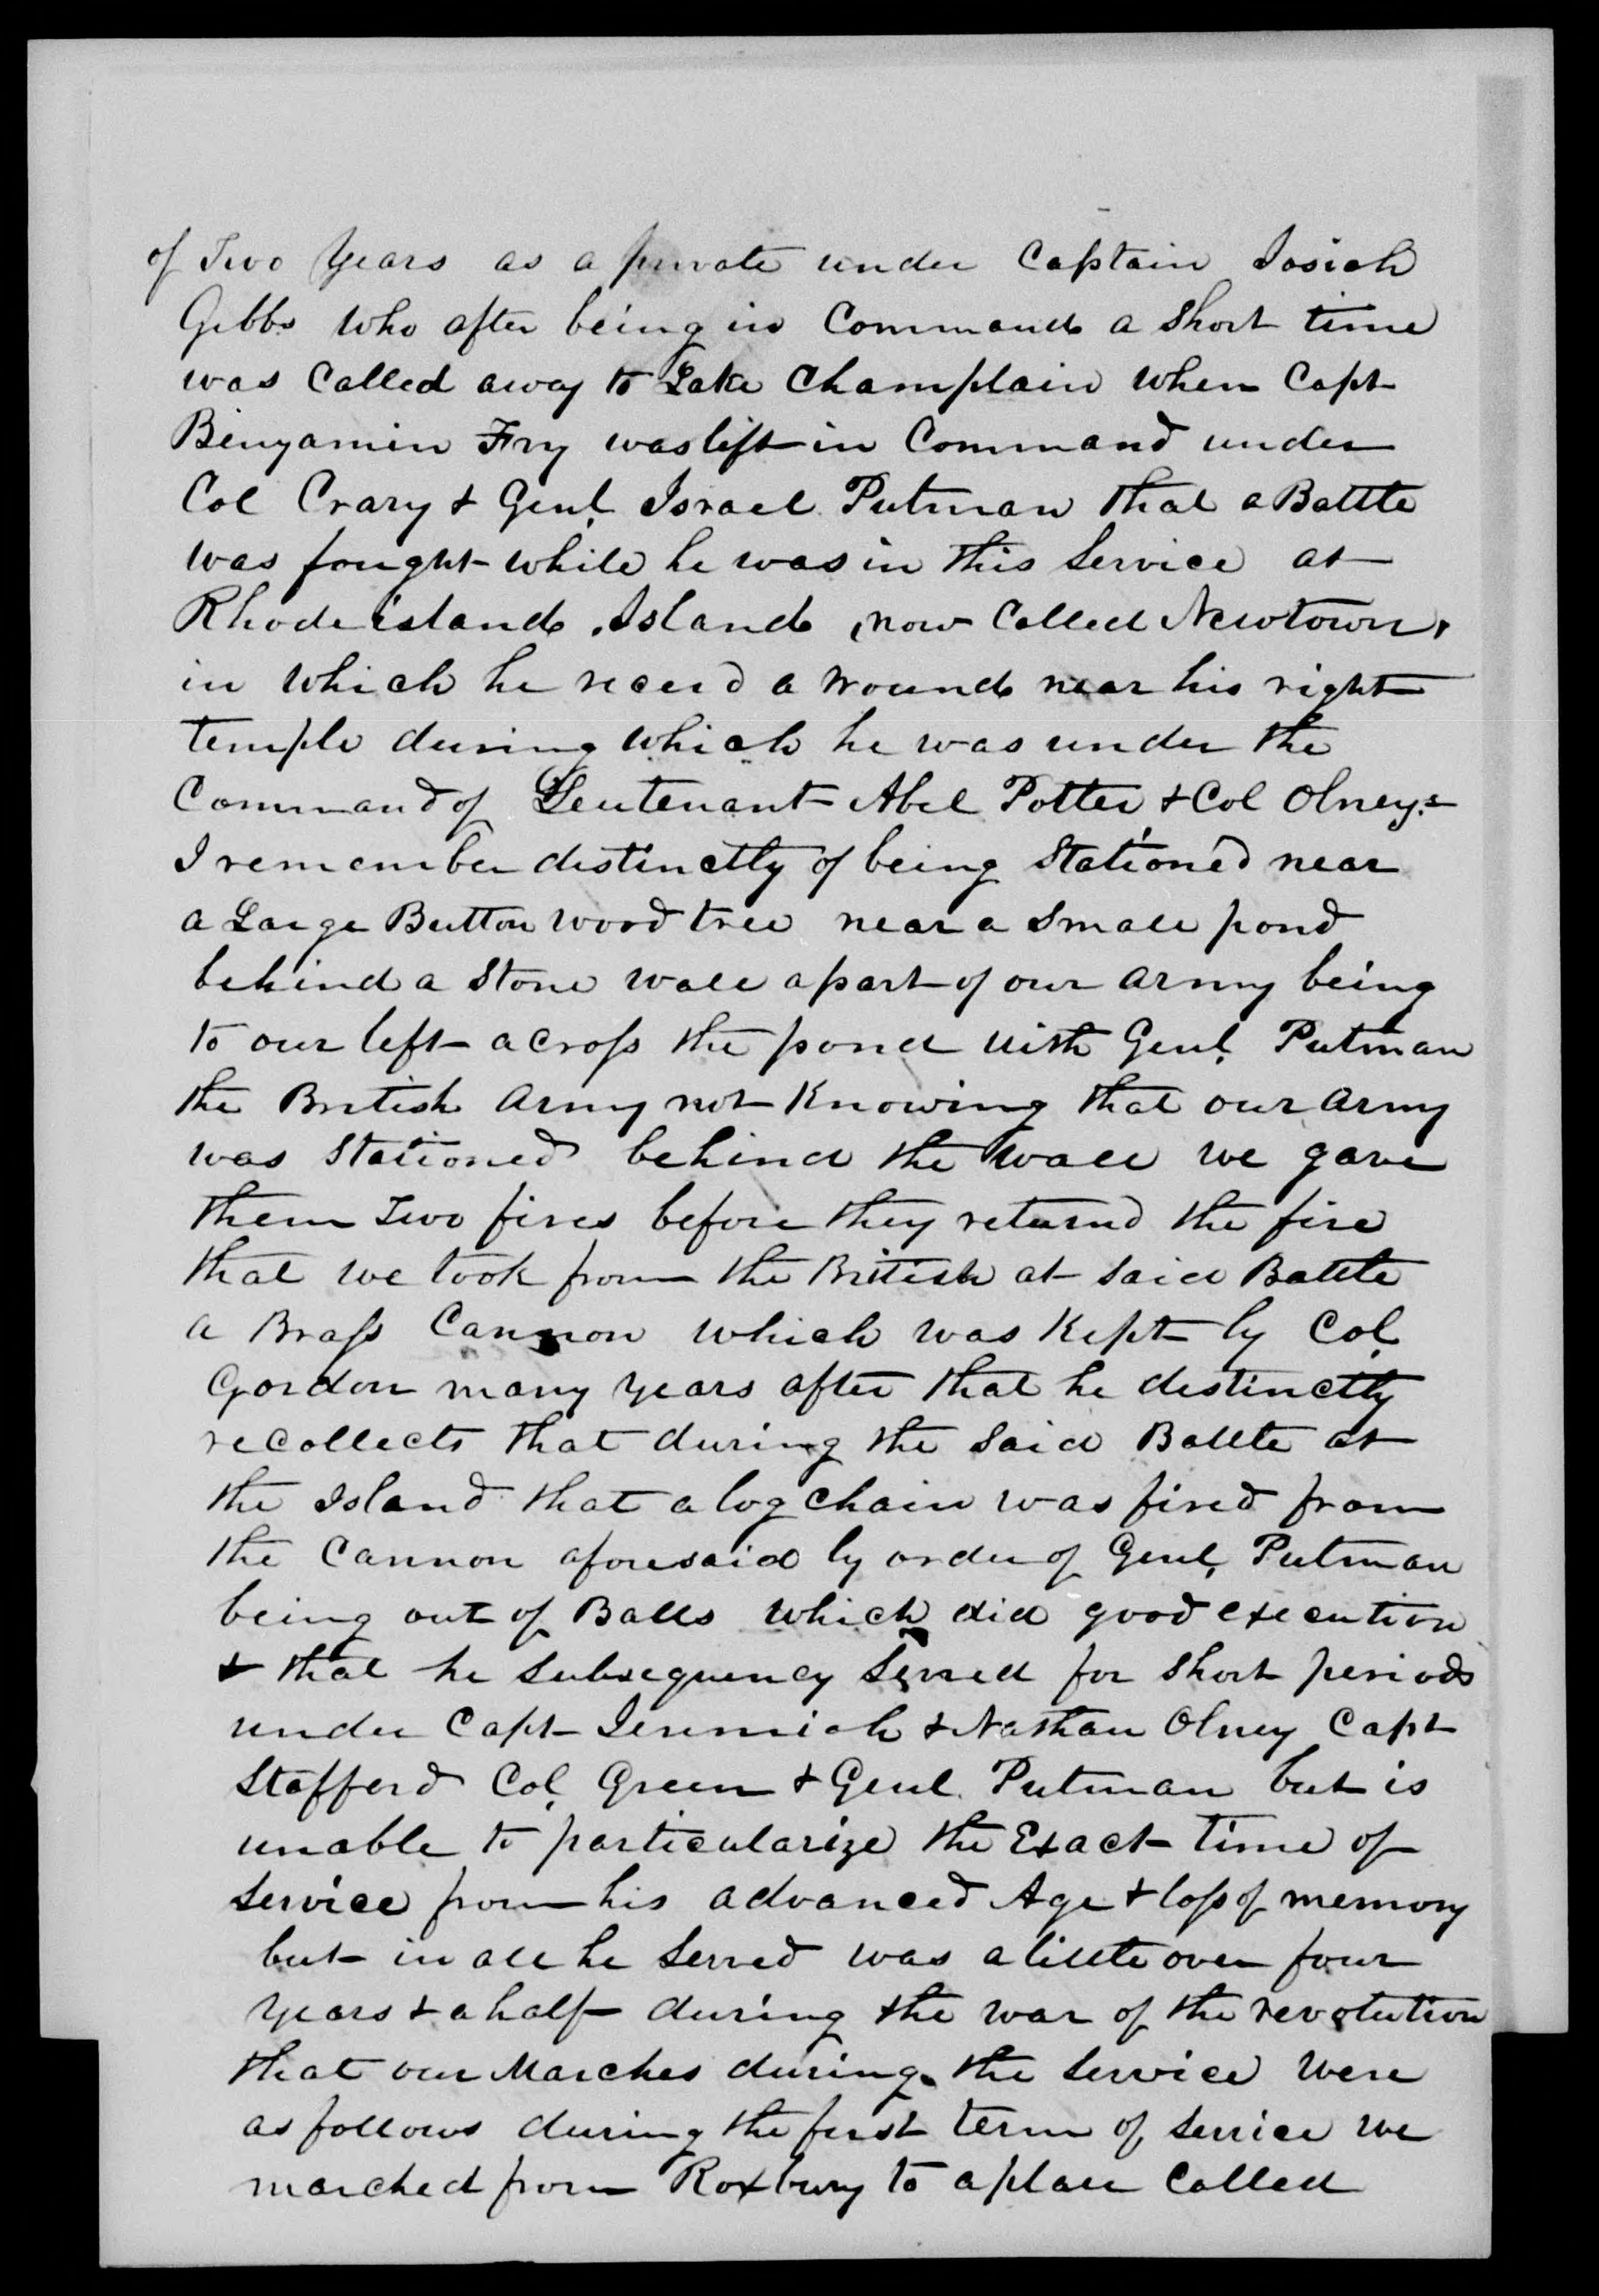[handwritten, continued from previous page]

of two years as a private under Captain Josiah Gibbs who after being in Command a short time was called away to Lake Champlain when Cpt. Benjamin Fry was left in Command under Col Crary & Genl Israel Putman that a Battle was fought while he was in this Service at Rhode Islands Island now called Newtown, in which he rece'd a wound near his right temple during which he was under the Command of Leutenant Abel Potter & Col Olneys. I remember distinctly of being Stationed near a Large Buttonwood tree near a small pond behind a stone wall a part of our army being to our left across the pond with Genl. Putman the British Army not knowing that our army was Stationed behind the wall  we gave them two fires before they returned the fire that we took from the British at said Battle a Brass Cannon which was kept by Col Gordon many years after that he distinctly recollects that during the Said Battle at the Island that a log chain was fired from the cannon aforesaid by order of Genl. Putman being out of Balls which did good execution & that he subsequently Served for short periods under Capt. Jeremiah & Nathan Olney Capt Stafford Col. Green & Genl. Putman but is unable to particularize the Exact time of Service from his advanced Age & loss of memory but in all he Served was a little over four years & a half - during the war of the revolution that our Marches during the Service were as follows during the first term of Service we marched from Roxbury to a place called
[continued]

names: Jeremiah Olney; Abel Potter; [BLANK] Stafford; Israel Putman; [BLANK] Crary; Josiah Gibbs; [BLANK] Green; Nathan Olney; Benjamin Fry; [BLANK] Putman; [BLANK] Gordon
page: 4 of 44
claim: survivor's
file: S. 28,815, for Philip Morris, Rhode Island